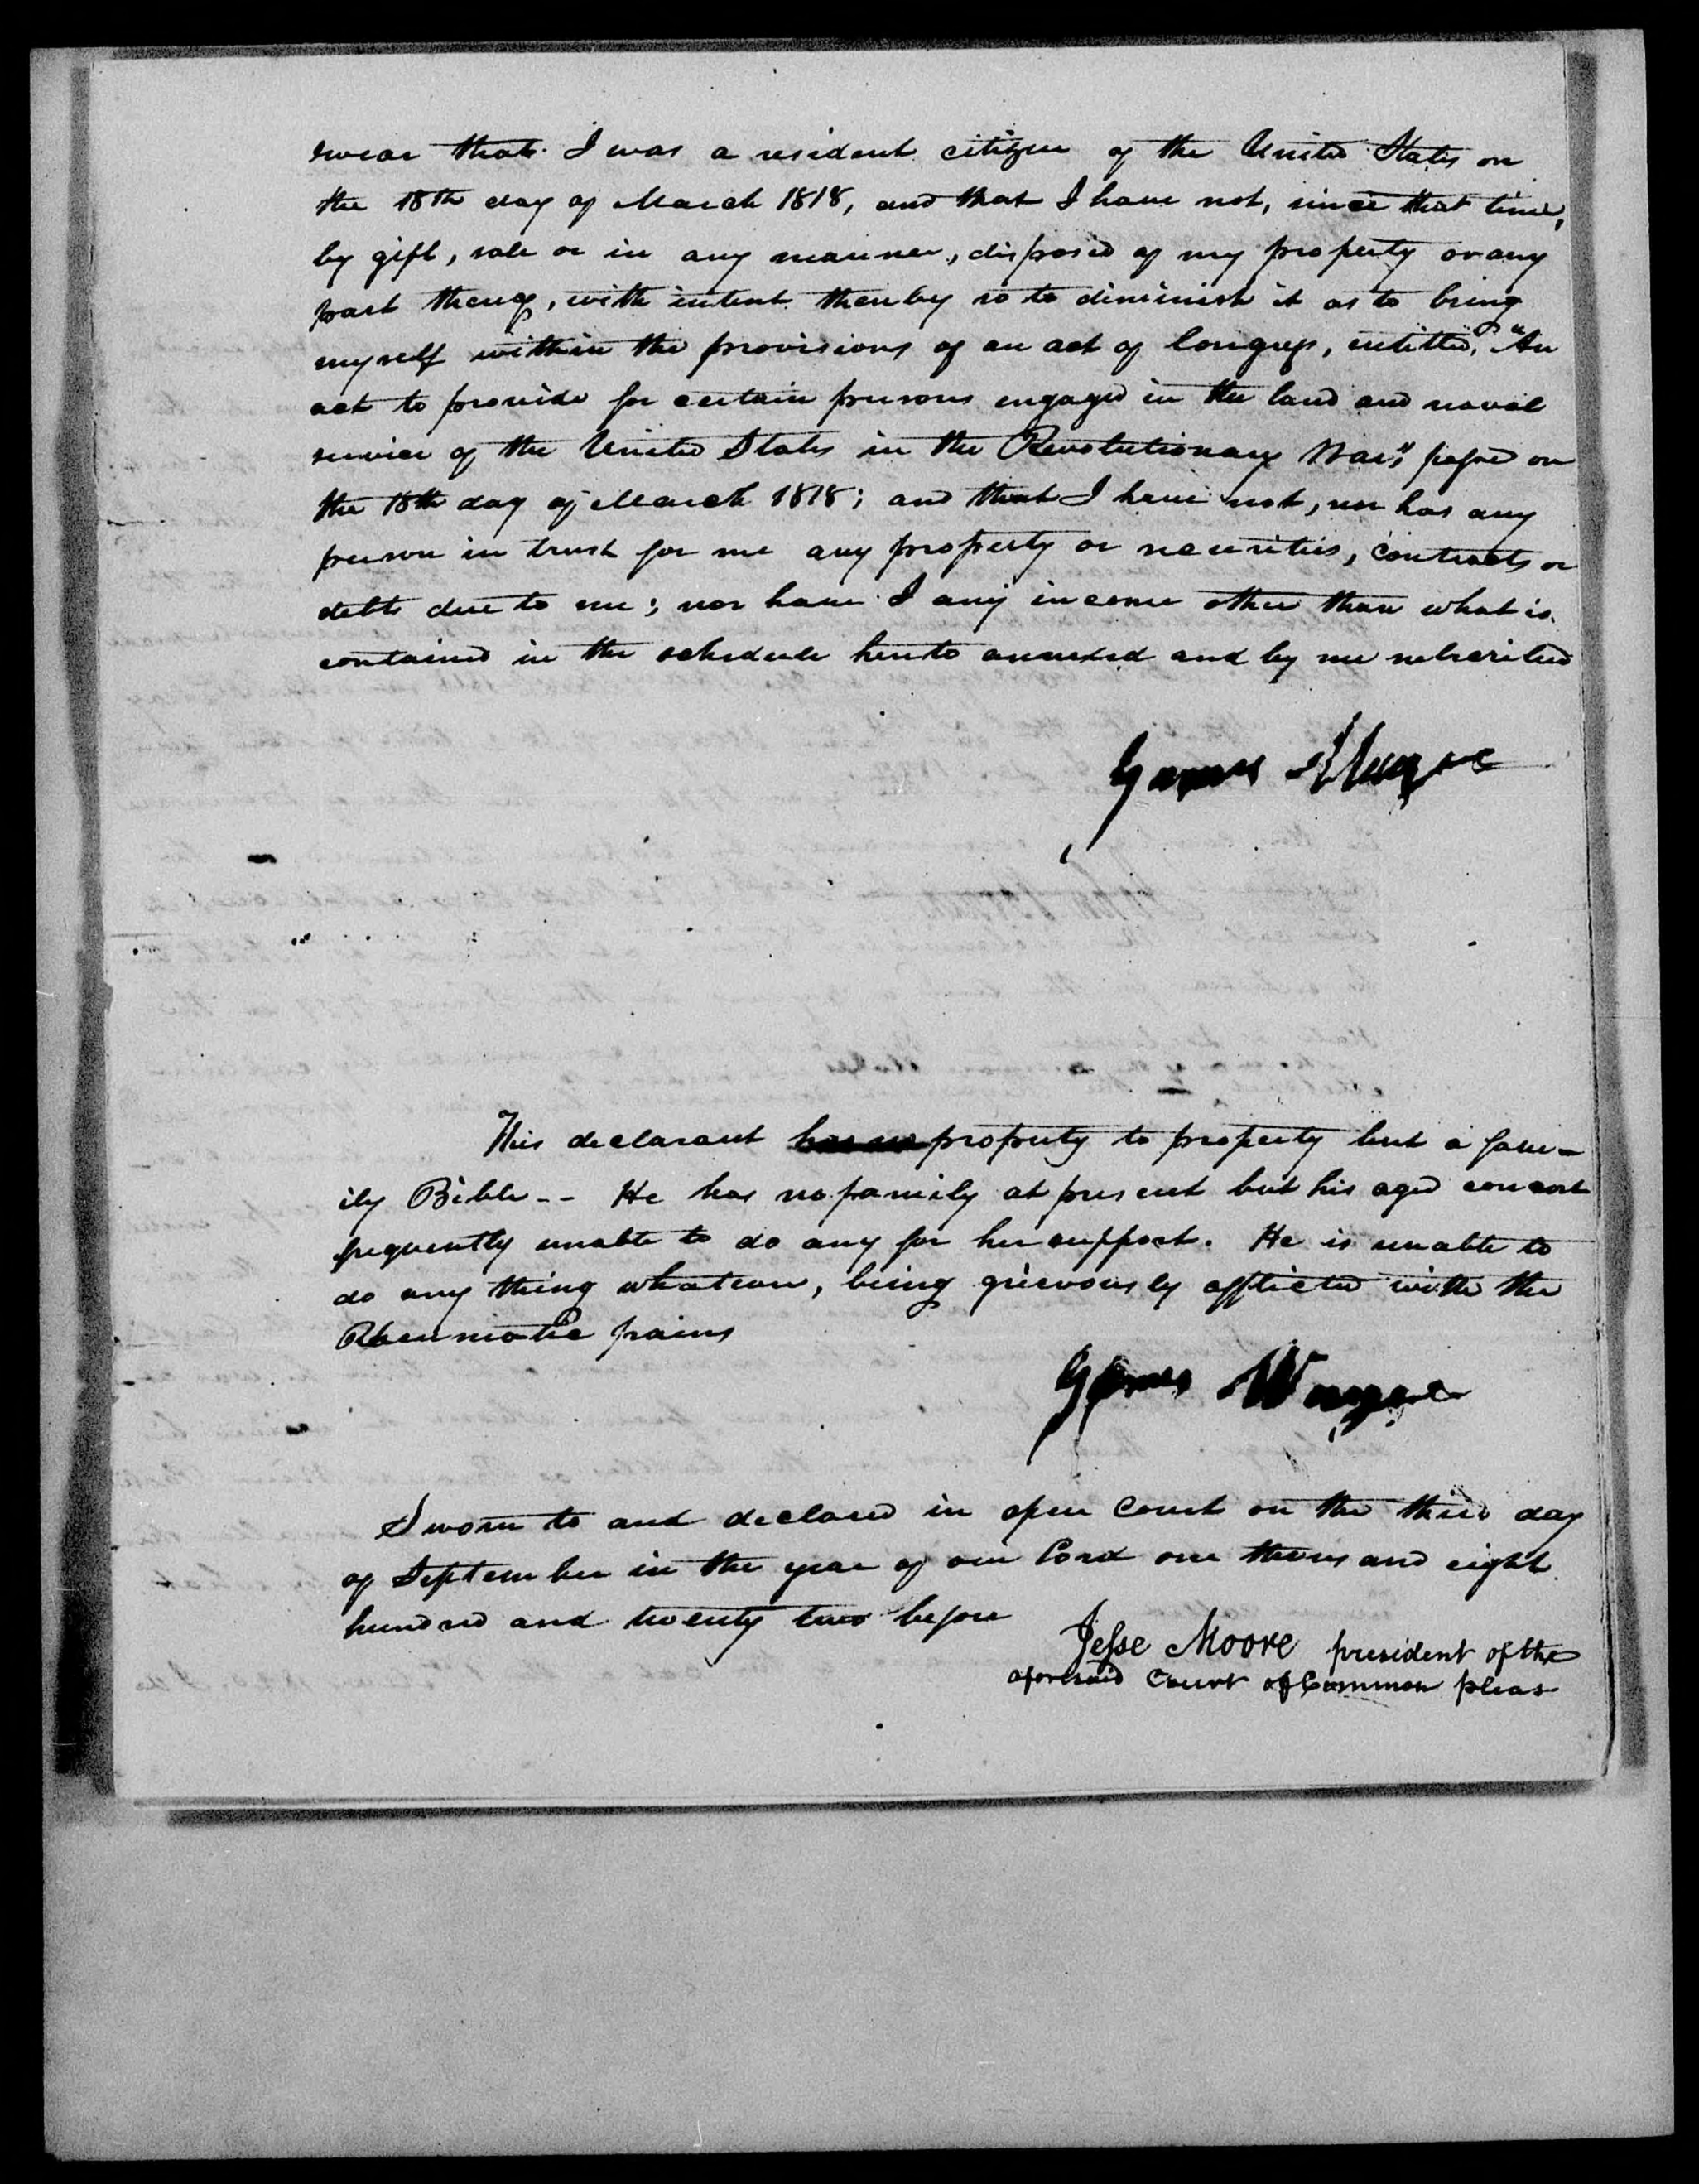swear that I was a resident citizen of the United States on
the 18th day of March 1818, and that I have not, since that time
by gift, sale or in any manner disposed of my property or any
part therof, with intent thereby is to diminish it as to bring
myself within the provisions of an act of Congress, entitled?? "An
act to provide for certain persons engaged in the land and naval
service of the United States in the Revolutionary War," passed on
the 18th day of March 1818; and think I have not, nor has any 
person in trust for me any property or necessities, contracts,
debt due to me; nor have I any income other than what is
contained in the schedule hereto annexed and by me ____
James Megee

This declarant [strikethrough 'has an'] no family at present but his age can not
frequently unable to do any for her support. He is unable to
do any thing whatever, being grievously afflicted with the
Rheumatic pains
James Wager

Sworn to and declared in open court on the this day 
of September in the year of our Lord one thousand eight
hundred and twenty two before
Jesse Moore president of the
aforesaid court of Common please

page: 30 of 77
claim: widow's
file: W 2954, for James Mc Gee, Delaware